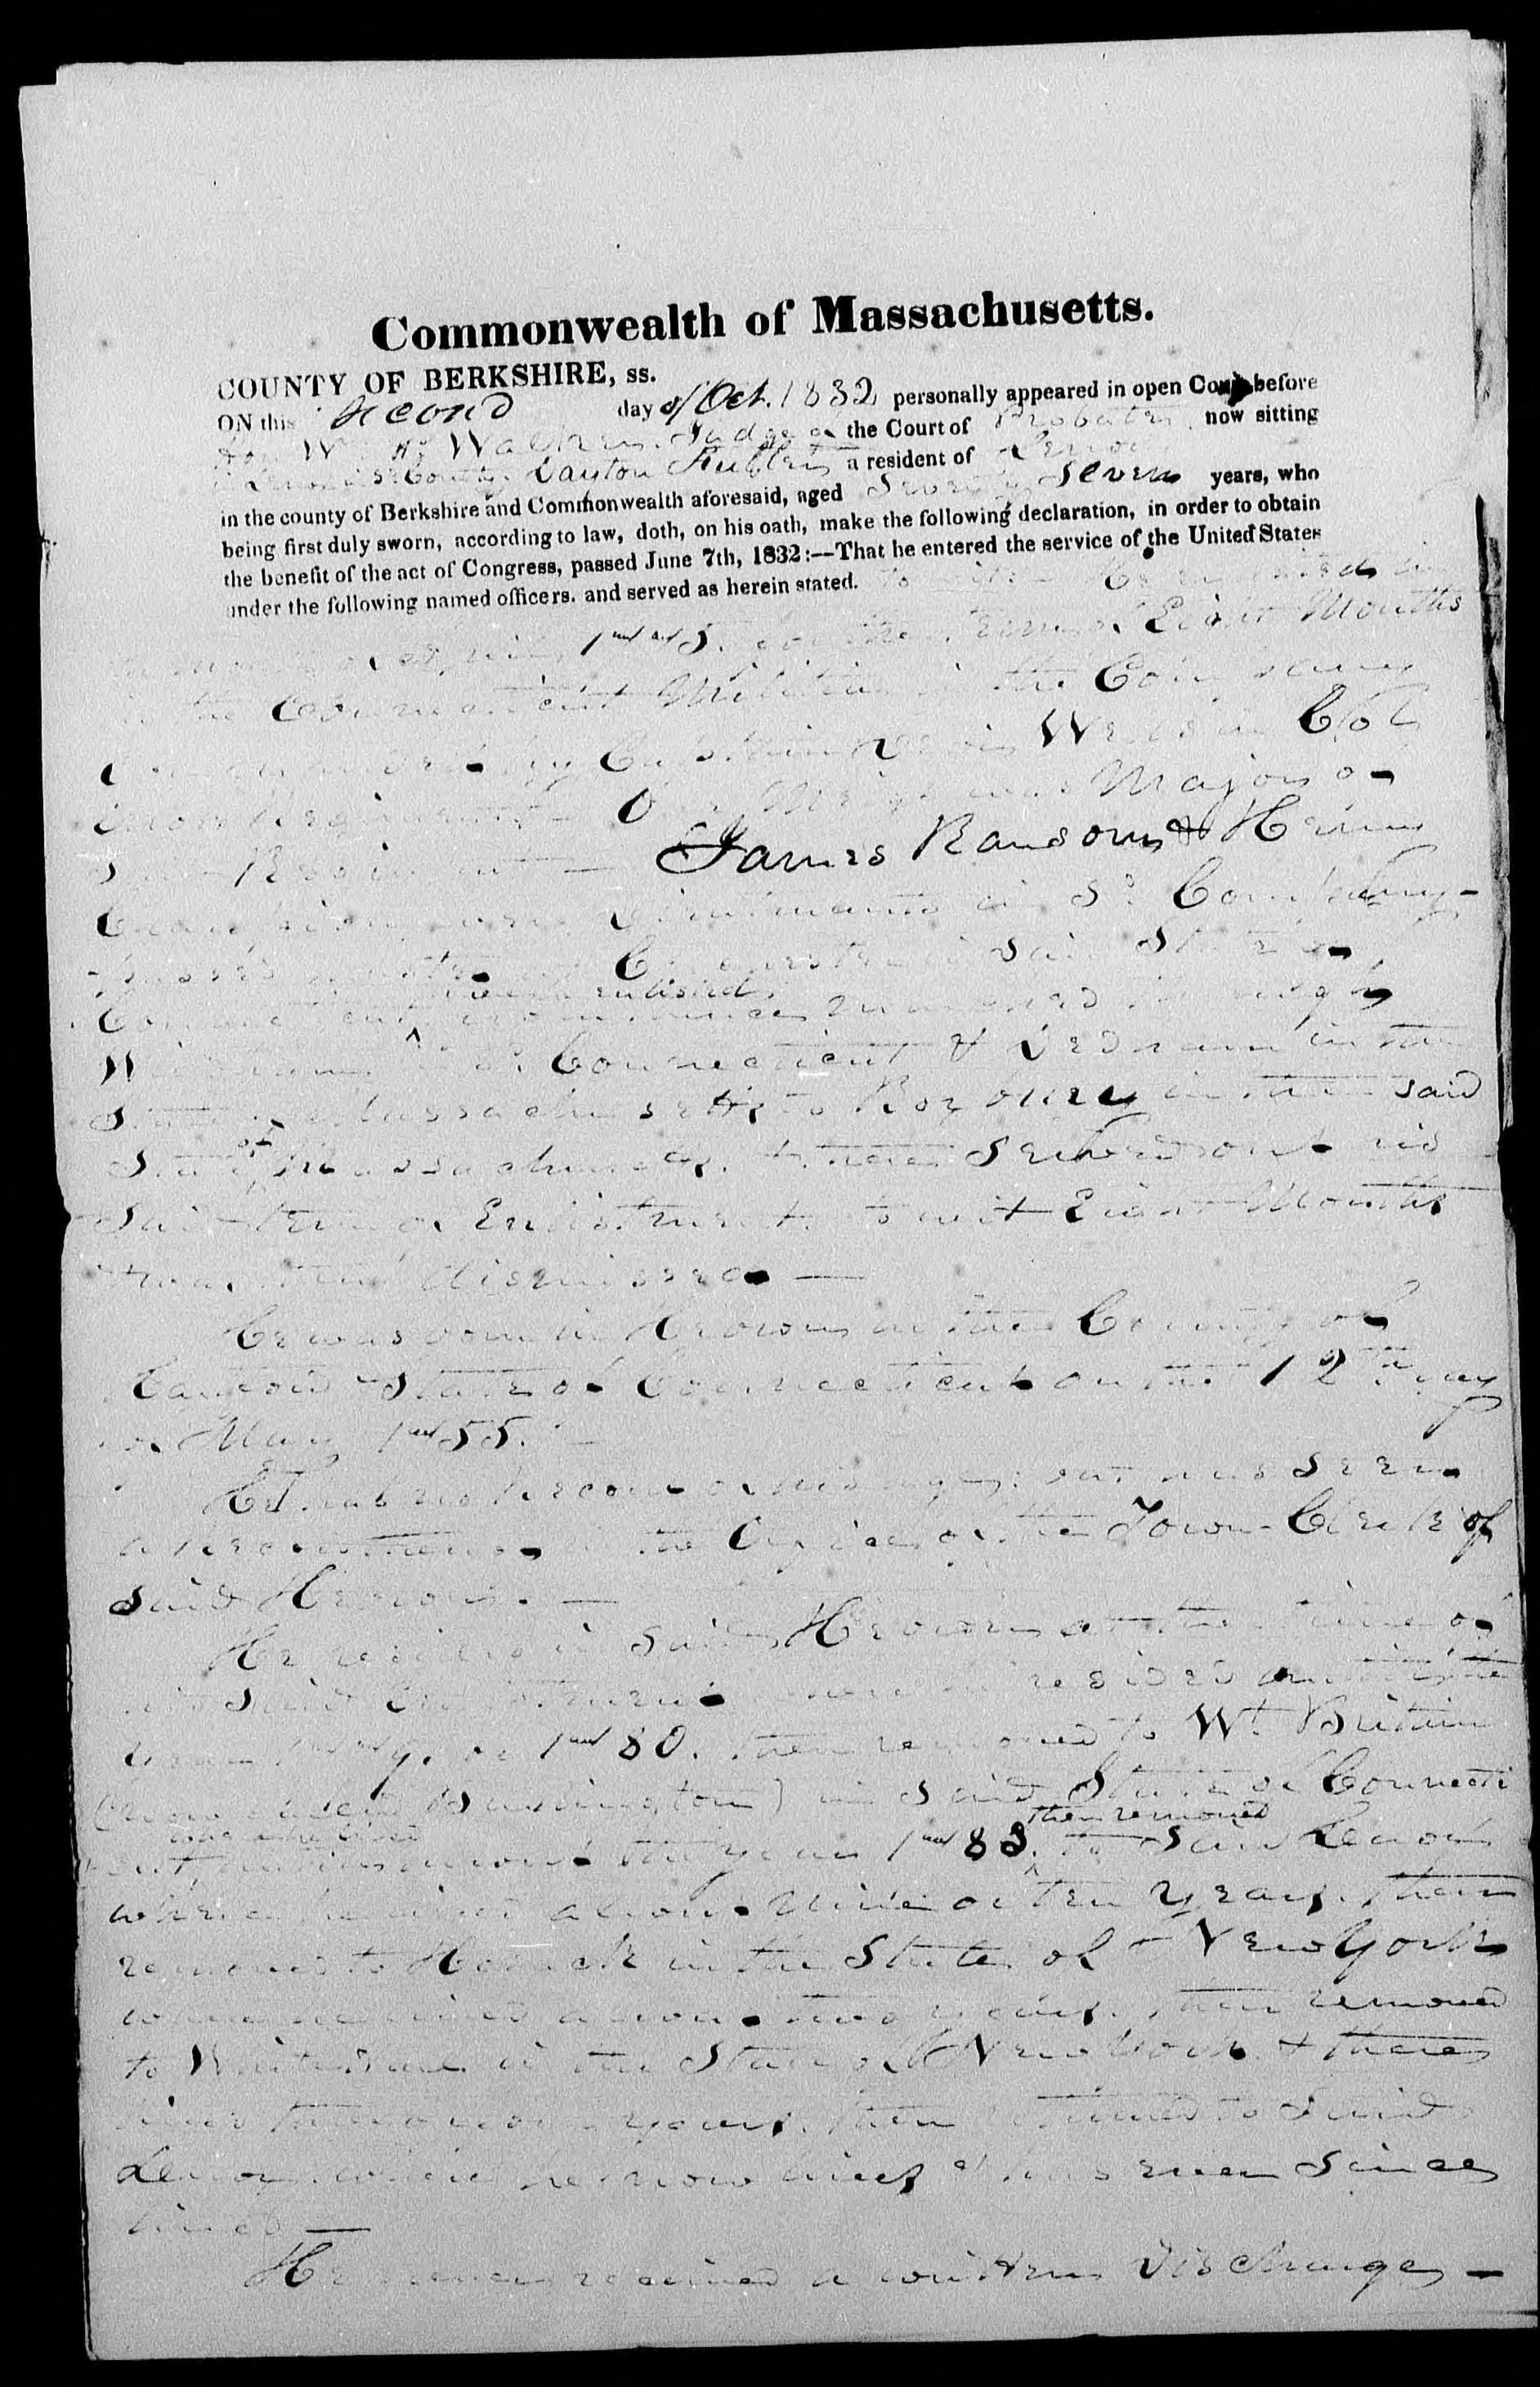Commonwealth of Massachusetts.
COUNTY OF BERKSHIRE, ss.
On this second day of Oct. 1832 personally appeared in open Court before [illegible]. Judge of the Court of Probate now sitting [illegible] Dayton Fuller a resident of Lenox in the county of Berkshire and Commonwealth aforesaid, aged Seventy Seven years, who being first duly sworn, according to law, doth, on his oath, make the following declaration, in order to obtain the benefit of the act of Congress, passed June 7th, 1832:-- That he entered the service of the United States under the following named officers, and served as herein stated.
[illegible]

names: Herrick, W P Walker, Hering, James Ransom, Davis Wells, Dayton Fuller, Brannett, Hebron, Davis Stratz, Oliver Meizeens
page: 6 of 15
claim: survivor's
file: S. 29,166, Dayton Fuller, Conn.